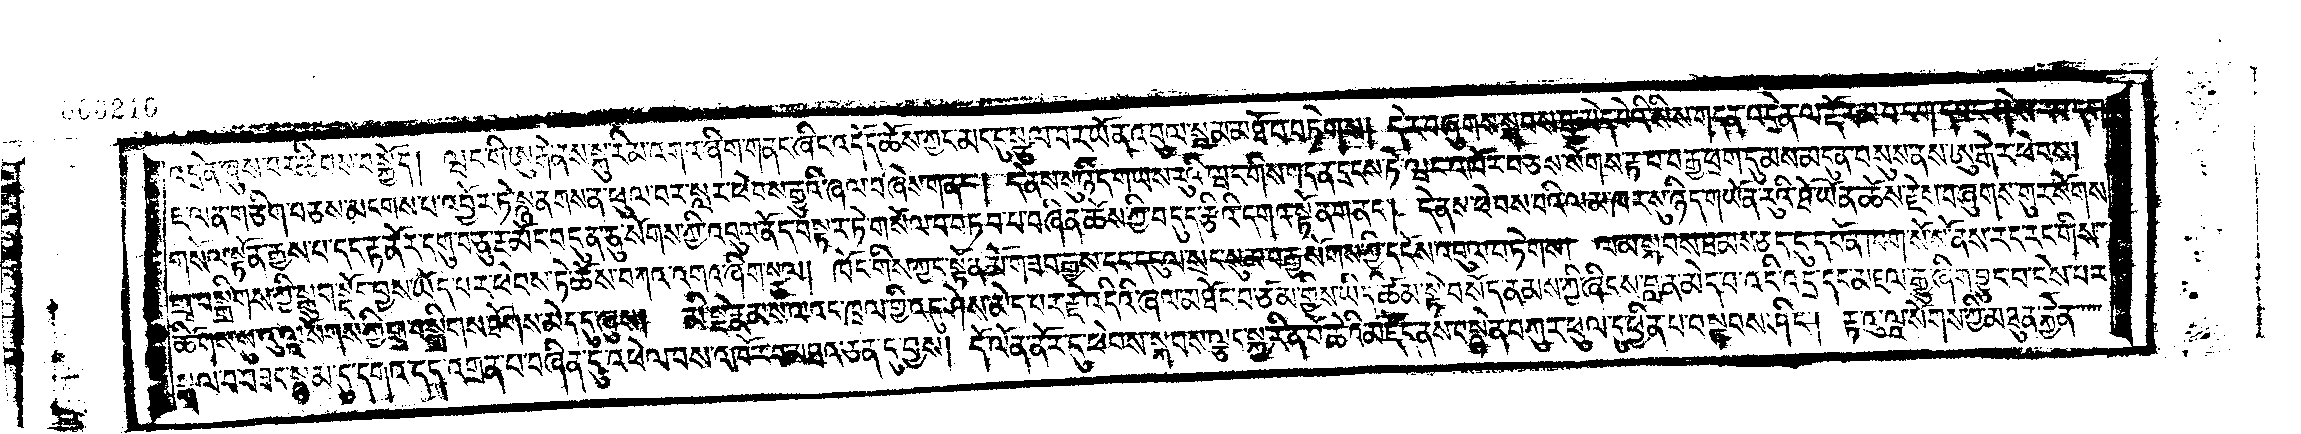འདྲེན་ཞུས་པར་ཆིབས་བསྐྱོད། ཝང་གི་ཨུརྒེ་ནས་སྐུ་རིམ་འགའ་ཞིག་གནང་ཞིང་འདོད་ཆོས་ཀྱང་མང་དུ་སྩལ་པར་ཡོན་འབུལ་སྤམ་མཐོ་བ་བཏེགས། དེར་བཞུགས་སྐབས་ཐུ་མེད་པེའི་སིས་གདན་འདྲེན་ལ་རྡོ་རམ་པ་ངག་དབང་ཤེས་རབ་དང་།
ཇ་ལན་གཅིག་བཅས་མངགས་པ་འབྱོར་ཏེ་སྙན་གསན་ཕུལ་བར་སླར་ཕེབས་རྒྱུའི་ཞལ་བཞེས་གནང་། དེ་ནས་སུ་ཉིད་གཡས་རུའི་ཝང་གིས་གདན་དྲངས་ཏེ་ཝང་འཁོར་བཅས་སོགས་རྟ་པ་བརྒྱ་ཕྲག་དུ་མས་མདུན་བསུས་ནས་ཨུརྒེར་ཕེབས།
གསོལ་སྟོན་རྒྱས་པ་དང་རྟ་ནོར་དགུ་བཅུ་རྔ་མོང་བདུན་ཅུ་སོགས་ཀྱི་འབུལ་ནོད་བསྟར་ཏེ་གསོལ་བ་བཏབ་པ་བཞིན་ཆོས་ཀྱི་བདུད་རྩིའི་དགའ་སྟོན་གནང་། དེ་ནས་ཕེབས་པའི་ལམ་ཁར་སུ་ཉིད་གཡོན་རུའི་ཐོ་ཡོན་ཆོས་རྗེས་བཞུགས་གུར་སོགས་
གྲྭ་བསྒྲིགས་ཀྱི་སྒུག་སྡོད་བྱས་ཡོད་པར་ཕེབས་ཏེ་ཆོས་བཀའ་འགའ་ཞིག་སྩལ། ཁོང་གིས་ཀྱང་སྟོན་མོ་གཟབ་རྒྱས་དང་དངུལ་སྲང་སུམ་བརྒྱ་སོགས་ཀྱི་དངོས་འབུལ་བཏེགས། ལམ་སྐབས་ཐམས་ཅད་དུ་དཔོན་ཁག་སོ་སོ་ནས་རང་རང་གི་ས་
ཚིགས་སུ་འུ་ལཱ་སོགས་ཀྱི་གྲྭ་བསྒྲིགས་ཐོགས་མེད་དུ་ཞུས། མི་སྔེ་རྣམས་ལའང་ཁྲལ་གྱི་འདུ་ཤེས་མེད་པར་རྗེ་འདིའི་ཞལ་མཐོང་བ་ཙམ་གྱིས་ཡིད་ཚིམ་སྟེ་བསོད་ནམས་ཀྱི་ཞིང་ས་བླ་ན་མེད་པ་འདི་འདྲ་དང་མཇལ་རྒྱུ་ཞིག་བྱུང་བ་ངེས་པར་
སྐལ་བ་བཟང་སྙམ་དུ་དགའ་དད་འགྲན་པ་བཞིན་དུ་འཕེལ་བས་འཁོར་བ་མཐའ་ཅན་དུ་བྱས། དོ་ལོན་ནོར་དུ་ཕེབས་སྐབས་ལྕང་སྐྱ་རིན་པོ་ཆེའི་མཛོད་ནས་བསྙེན་བཀུར་ཕུལ་དུ་ཕྱིན་པ་བསྟབས་ཤིང་། རྟ་འུ་ལཱ་སོགས་ཀྱི་མཐུན་རྐྱེན་